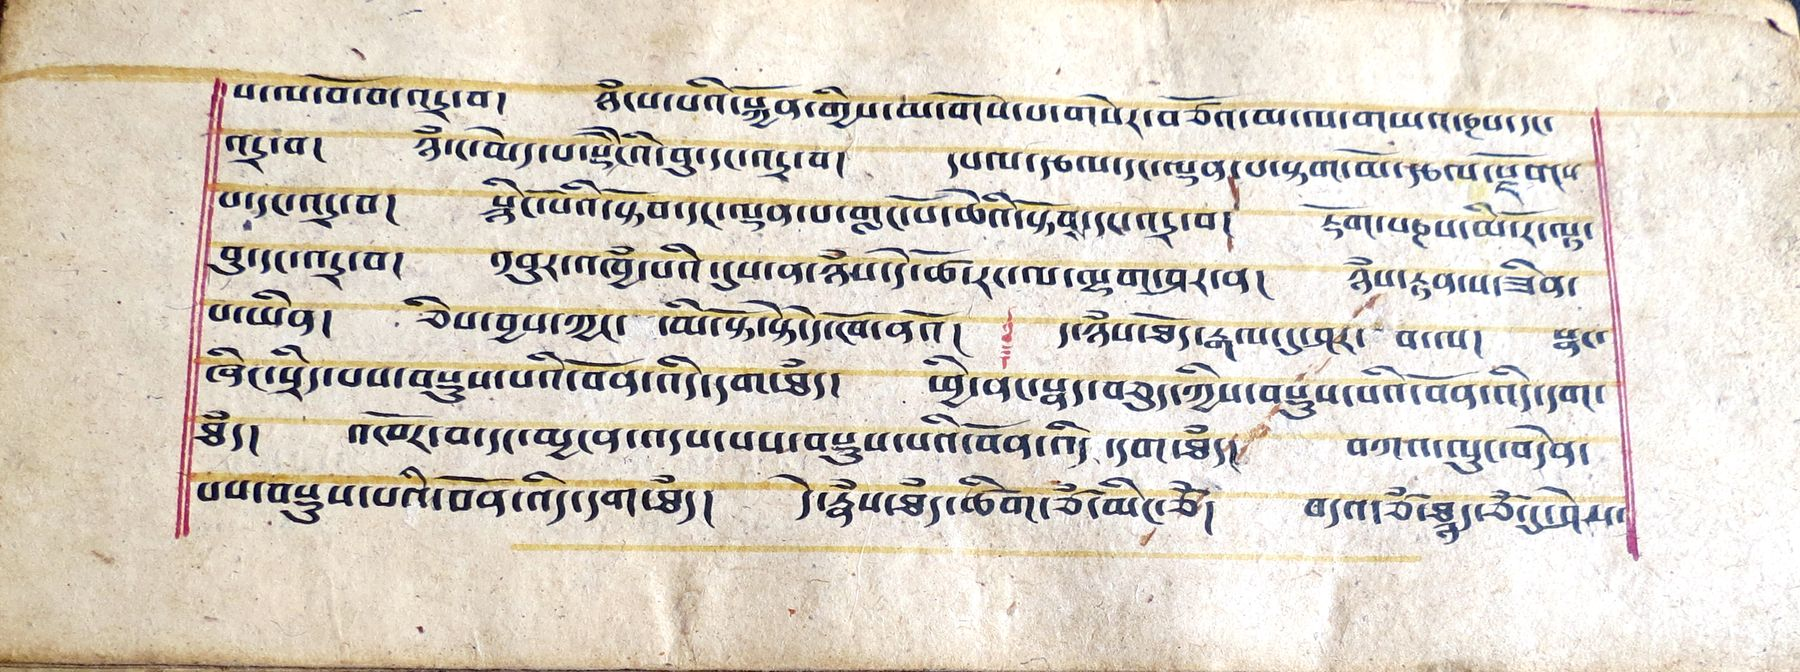ས་ལ་བོ་བ་འདྲ་བ་དང་། ཉོན་མོངས་པའི་སྐྱོན་གྱིས་མ་གོས་པ། གསེར་བཙོ་མ་ལ་གཡའ་མེད་པ་དང་།
འདྲ་བ། ཉམས་ང་མེད་པ་སེང་གེའི་བུ་དང་། དཔའ་རྩལ་དང་ལྡན་པ་སྟག་མོ་རྩལ་རྫོགས། 
པ་དང་འདྲ་བ། སྙིང་པོའི་སྟོབས་དང་ལྡན་པ་གླང་པོ་ཆེ་དང་རྟོག་པ་མེད་པ་མི་རོ་དང་འདྲ་བ། རྟོག་མི་རེ་ལྟའ
བུ་དང་འདྲ་བ། འབུར་འཕྱག་པའི་དུས་ན་ཉམས་དེ་ཚེ་རང་ལ་ལྷག་ཤར་ན། ཉམས་རྟན་པ་ཟིན་
པ་ཡིན། ཅེས་བྱས་ཀྱང་། མེ་སྟོ་སྟོ་དེ་ངེས་ནའོ། ད་ཉམས་ཐམས་ཅད་རྒལ་དུ་ཤར་ བ་ལ། སྣང
ཞིང་སྲིད་པས་བསྡུས་པའི་བོན་འདི་དག་ཐམས་ཅད། ཕྱི་ནང་སྣོད་བཅུད་ཀྱིས་བསྡུས་པའི་བོན་འདི་དག་
ཐམས་ཅད། འཁོར་བ་དང་མྱ་ངན་ལས་འདས་པས་བསྡུས་པའི་བོན་འདི་དག་ཐམས་ཅད། བཀའ་ལུང་བདེན་
པས་བསྡུས་པའི་བོན་འདི་དག་ཐམས་ཅད། དེ་རྣམས་ཐམས་ཅད་ཚིག་ཙམ། མིང་ཙམ། བརྡ་ཙམ། ཐ་སྙད་ཙམ་དུ་ཤེས་